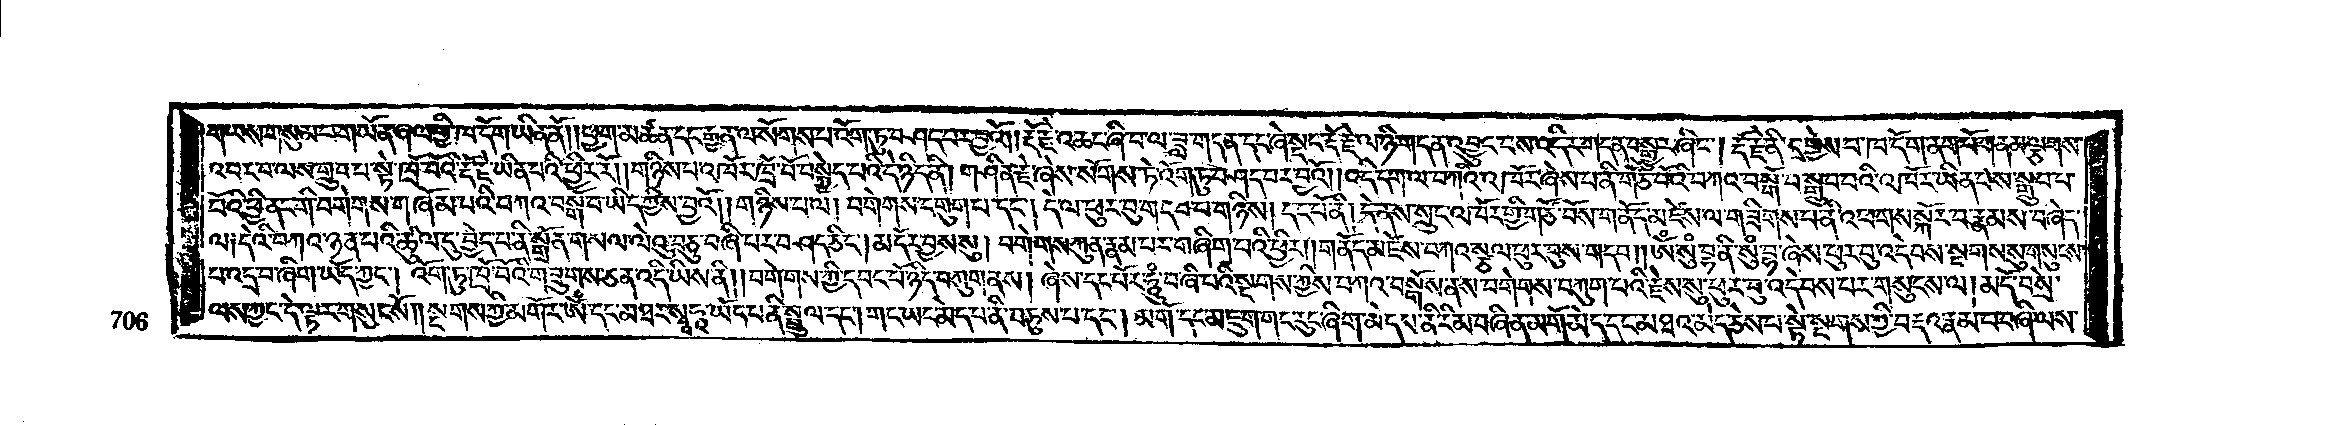གཡས་གསུམ་པ་གཡོན་ཞལ་གྱི་ཁ་དོག་ཡིན་ནོ། །ཕྱག་མཚན་དང་རྒྱན་ལ་སོགས་པ་འོག་ཏུ་བཤད་པར་བྱའོ། །རྡོ་རྗེ་འཆང་ཞི་བ་ལ་ཟླ་གདན་དང་ཞེ་སྡང་རྡོ་རྗེ་ལ་ཉི་གདན་འབྱུང་བས་འདིར་གདན་བསྒྱུར་ཞིང་། རྡོ་རྗེ་ནི་རྭ་གྱེས་པ་ཁ་དོག་ནག་པོ་གནམ་ལྕགས་
འབར་བ་ལས་གྲུབ་པ་སྟེ་ཁྲོ་བོའི་རྡོ་རྗེ་ཡིན་པའི་ཕྱིར་རོ། །གཉིས་པ་འཁོར་ཁྲོ་བོ་བསྐྱེད་པའི་དེ་ཉིད་ནི། གཤིན་རྗེ་ཞེས་སོགས་ཏེ་འོག་ཏུ་བཤད་པར་བྱའོ། །འདི་དག་ལ་བཀའ་འཁོར་ཞེས་པ་ནི་གཙོ་བོའི་བཀའ་བསྒོ་བ་སྒྲུབ་པའི་འཁོར་ཡིན་པས་སྒྲུབ་པ་
པོའི་ཕྱི་ནང་གི་བགེགས་གཞོམ་པའི་བཀའ་བསྒོ་བ་ཡིད་ཀྱིས་བྱའོ། །གཉིས་པ་ལ། བགེགས་དགུག་པ་དང་། དེ་ལ་ཕུར་བུ་གདབ་པ་གཉིས། དང་པོ་ནི། དེ་ནས་སྲུང་འཁོར་གྱི་གཙོ་བོས་གནོད་མཛེས་ལ་གཟིགས་པ་ནི་འཕགས་སྐོར་བ་རྣམས་བཞེད་
ལ༑ དེའི་བཀའ་ཉན་པའི་ཚུལ་དུ་བྱེད་པ་ནི་སྒྲོན་གསལ་ལེའུ་བཅུ་བཞི་པར་བཤད་ཅིང་། མདོར་བྱས་སུ། བགེགས་ཀུན་རྣམ་པར་གཞིག་པའི་ཕྱིར། །གནོད་མཛེས་བཀའ་སྩལ་ཕུར་བུས་གདབ། །ཨོཾ་སུཾ་བྷ་ནི་སུཾ་བྷ་ཞེས་ཕུར་བུ་འདེབས་སྔགས་སུ་གསུངས་
པ་འདྲ་བ་ཞིག་ཡོད་ཀྱང་། འོག་ཏུ་ཁྲོ་བོའི་གཟུགས་ཅན་འདི་ཡིས་ནི། །བགེགས་ཀྱི་དབང་པོ་ཉིད་བཀུག་ནས། ཞེས་དང་པོར་ཧཱུཾ་བཞི་པའི་སྔགས་ཀྱིས་བཀའ་བསྒོས་ནས་བགེགས་བཀུག་པའི་རྗེས་སུ་ཕུར་བུ་འདེབས་པར་གསུངས་ལ། མདོ་བསྲེ་
ལས་ཀྱང་དེ་ལྟར་གསུངས་སོ། །སྔགས་ཀྱི་མགོར་ཨོཾ་དང་མཐར་སྭཱ་ཧཱ་ཡོད་པ་ནི་སྦྲུལ་དང་། གང་ཡང་མེད་པ་ནི་བཏུས་པ་དང་། མགོ་དང་མཇུག་གང་རུང་ཞིག་མེད་པ་ནི་རིམ་བཞིན་མགོ་མེད་དང་མཐའ་མེད་ཅེས་པ་སྟེ་སྔགས་ཀྱི་བརྡའ་རྣམ་པ་བཞི་ལས་